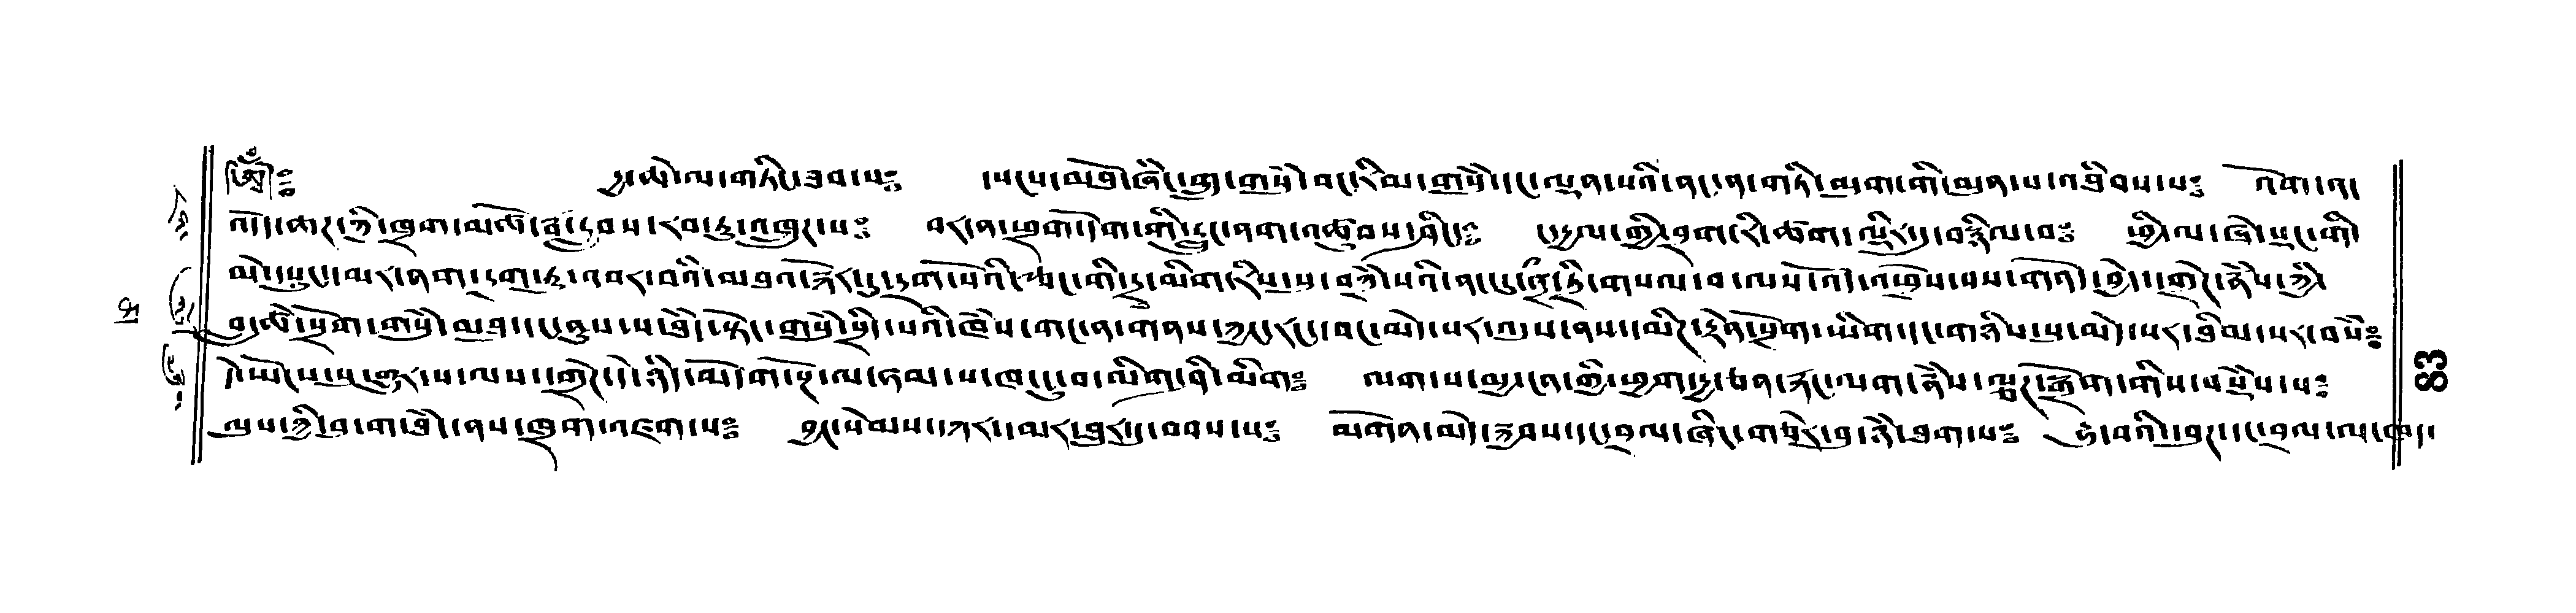རྒྱ་ཆེ་ལ་གཏིང་ཟབ་པ༔ དཔངས་མཐོ་ཞིང་གྲུ་གསུམ་བང་རིམ་གསུམ་དང་ལྡན་པའི་ནང་ན་གཏི་མུག་གི་མུན་པ་འཐིབས་པ༔ འོག་ན་
འདོད་ཆགས་ཀྱི་ཁྲག་མཚོ་རྦ་རླབས་རབ་ཏུ་འཁྲུགས་པ༔ བར་ན་ཕྲག་དོག་གི་རླུང་ནག་འཚུབས་ཤིང༔ ང་རྒྱལ་གྱི་བྲག་རི་ཚག་ལྡིར་དུ་བསྙིལ་བ༔ ཕྱི་ལ་ཞེ་སྡང་གི་
མེ་དཔུང་དམར་ནག་དྲག་ཏུ་འབར་བའི་མཐའ་སྐོར་དུ་དྲག་པོའི་རྩང་གི་དྲྭ་མིག་རིས་སུ་བཀྲམ་པའི་ནང་དུ་ནྲྀ་ཏྲི་གསལ་བ་ལས་འོད་འཕྲོས་པས་གནོད་བྱེད་དགྲ་བགེགས་རྣམས་ཀྱི་
བླ་ཚེ་སྲོག་གསུམ་མཐུ་དང་ནུས་པ་ཐམས་ཅད་སྟོང་གསུམ་སྲིད་པའི་ཁམས་གང་ན་གནས་ཀྱང་རང་དབང་མེད་པར་འདུས་ནས་དམིགས་རྟེན་སྲོག་ཡིག་དང་གཉིས་སུ་མེད་པར་ཐིམ་པར་བསམ༔ 
དེ་ཡོངས་སུ་གྱུར་པ་ལས་དགྲ་བགེགས་དེ་ཉིད་མདོག་སྔོ་ལ་ཧམ་པ༔ ཁ་ངུ་བ༔ མིག་ཤི་མིག༔ ལག་པ་མྱ་ངན་གྱི་ཕྱག་རྒྱ་ཅན༔ རྐང་ལག་རྣམས་ལྕགས་སྒྲོག་གིས་བསྡམས་པ༔ 
ལུས་ཀྱི་བུ་ག་ཐམས་ཅད་ནས་ཁྲག་འཛག་པ༔ བྱང་སེམས་དཀར་དམར་ཐུར་དུ་འབབ་པ༔ མགོན་མེད་སྐྱབས་དང་བྲལ་ཞིང་གཅེར་བུ་ཉམ་ཐག་པ༔ རྒྱུ་བའི་དབུགས་དང་བྲལ་ལ་ཁད་